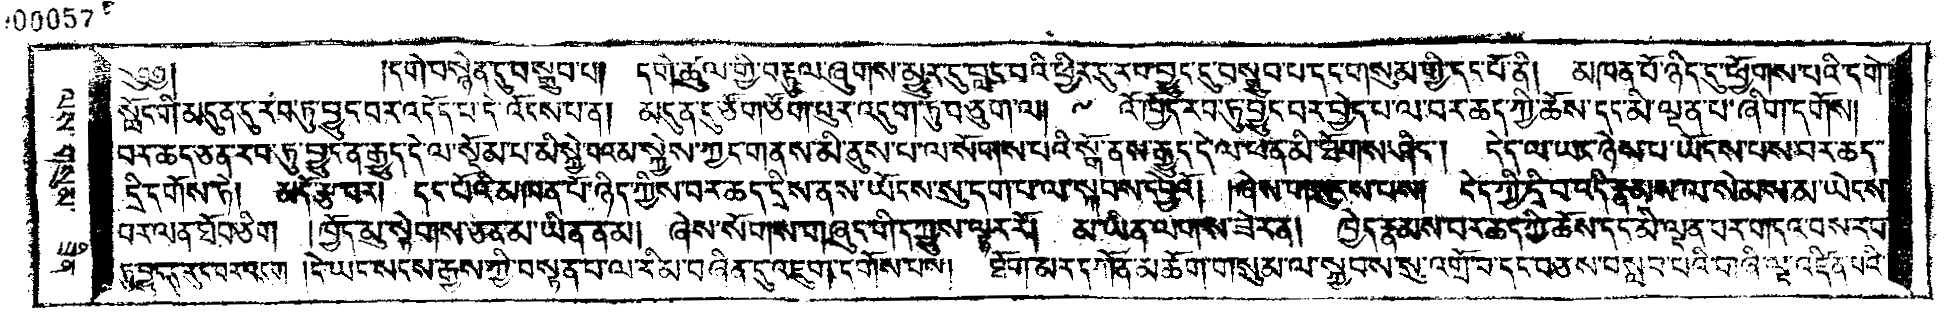༄༅། །དགེ་བསྙེན་དུ་བསྒྲུབ་པ། དགེ་ཚུལ་གྱི་བརྟུལ་ཞུགས་མྱུར་དུ་བླང་བའི་ཕྱིར་དུ་རབ་བྱུང་དུ་བསྒྲུབ་པ་དང་གསུམ་གྱི་དང་པོ་ནི། མཁན་པོ་ཉིད་དུ་ཕྱོགས་པའི་དགེ་
སློང་གི་མདུན་དུ་རབ་ཏུ་བྱུང་བར་འདོད་པ་དེ་འོངས་པ་ན། མདུན་དུ་ཙོག་ཙོག་པུར་འདུག་ཏུ་བཅུག་ལ། ༧་འོ་ཁྱོད་རབ་ཏུ་བྱུང་བར་བྱེད་པ་ལ་བར་ཆད་ཀྱི་ཆོས་དང་མི་ལྡན་པ་ཞིག་དགོས།
བར་ཆད་ཅན་རབ་ཏུ་བྱུང་ན་རྒྱུད་དེ་ལ་སྡོམ་པ་མི་སྐྱེ་བའམ་སྐྱེས་ཀྱང་གནས་མི་ནུས་པ་ལ་སོགས་པའི་སྒོ་ནས་རྒྱུད་དེ་ལ་ཕན་མི་ཐོགས་ཤིང་། དེད་ལ་ཡང་ཉེས་པ་ཡོངས་པས་བར་ཆད་
དྲི་དགོས་ཏེ། མདོ་རྩ་བར། དང་པོའི་མཁན་པོ་ཉིད་ཀྱིས་བར་ཆད་དྲིས་ནས་ཡོངས་སུ་དག་པ་ལ་སྐབས་དབྱེའོ། །ཞེས་གསུངས་པས། ངེད་ཀྱི་དྲི་བ་འདི་རྣམས་ལ་སེམས་མ་ཡེངས་
པར་ལན་ཐོབ་ཅིག །ཁྱོད་མུ་སྟེགས་ཅན་མ་ཡིན་ནམ། ཞེས་སོགས་གཞུང་གི་དཀྱུས་ལྟར་རོ། མ་ཡིན་ལགས་ཟེར་ན། ཁྱེད་རྣམས་བར་ཆད་ཀྱི་ཆོས་དང་མི་ལྡན་པར་གདའ་བས་རབ་
ཏུ་བྱུང་དུ་རུང་བར་འདུག །དེ་ཡང་སངས་རྒྱས་ཀྱི་བསྟན་པ་ལ་རིམ་བཞིན་དུ་འཇུག་དགོས་པས། ཐོག་མར་དཀོན་མཆོག་གསུམ་ལ་སྐྱབས་སུ་འགྲོ་བ་དང་བཅས་བསླབ་པའི་གཞི་ལྔ་འཛིན་པའི་